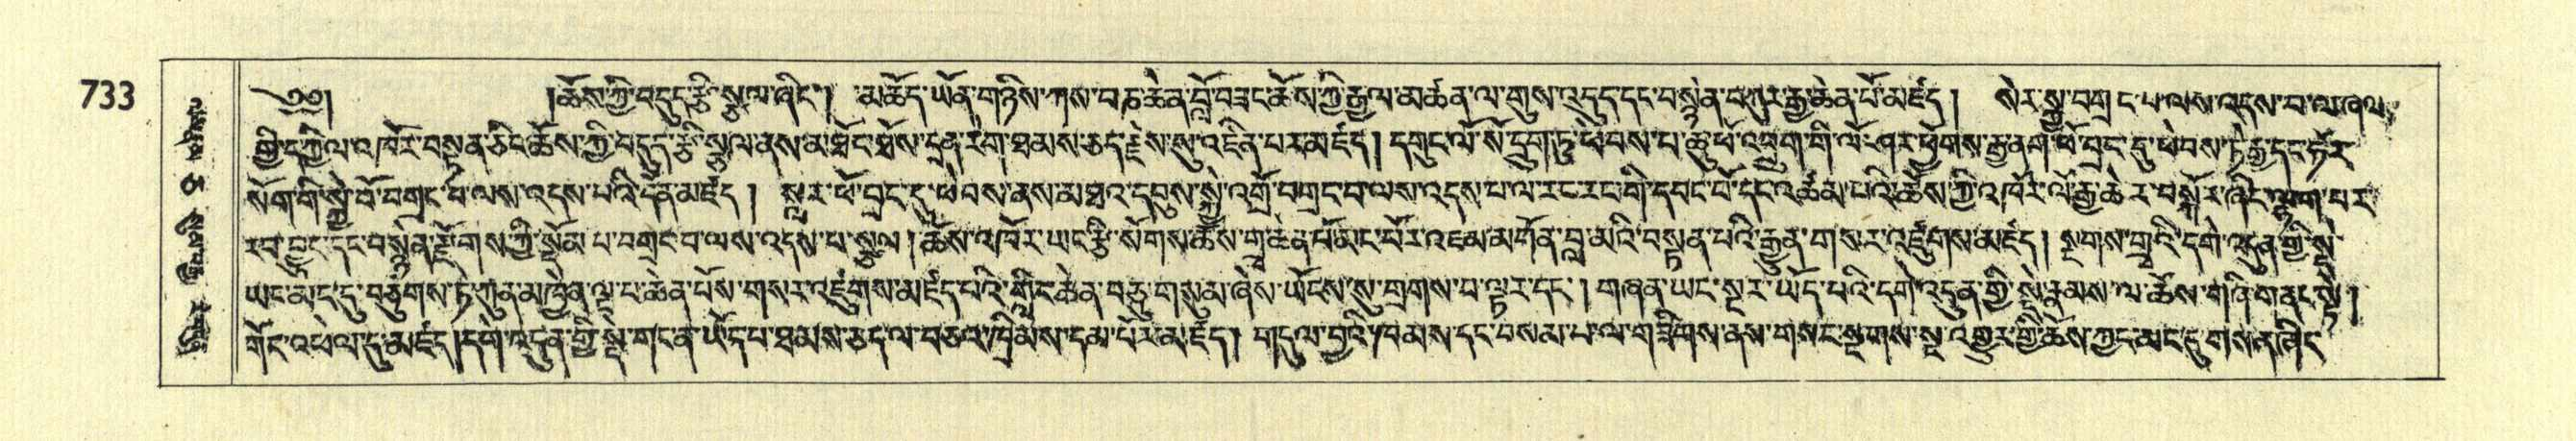༄༅། །ཆོས་ཀྱི་བདུད་རྩི་སྩལ་ཞིང་། མཆོད་ཡོན་གཉིས་ཀས་པཎ་ཆེན་བློ་བཟང་ཆོས་ཀྱི་རྒྱལ་མཚན་ལ་གུས་འདུད་དང་བསྙེན་བཀུར་རྒྱ་ཆེན་པོ་མཛད། སེར་སྐྱ་བགྲང་པ་ལས་འདས་བ་ལ་ཞལ་
གྱི་དཀྱིལ་འཁོར་བསྟན་ཅིང་ཆོས་ཀྱི་བདུད་རྩི་སྩལ་ནས་མཐོང་ཐོས་དྲན་རེག་ཐམས་ཅད་རྗེས་སུ་འཛིན་པར་མཛད། དགུང་ལོ་སོ་དྲུག་ཏུ་ཕེབས་པ་ཆུ་ཕོ་འབྲུག་གི་ལོ་ཤར་ཕྱོགས་རྒྱ་ནག་ཕོ་བྲང་དུ་ཕེབས་ཏེ་རྒྱ་དང་ཧོར་
སོག་གི་སྐྱེ་བོ་བགྲང་པ་ལས་འདས་པའི་དོན་མཛད། སླར་ཕོ་བྲང་དུ་ཕེབས་ནས་མཐའ་དབུས་སྐྱེ་འགྲོ་བགྲང་བ་ལས་འདས་པ་ལ་རང་རང་གི་དབང་པོ་དང་འཚམ་པའི་ཆོས་ཀྱི་འཁོར་ལོ་རྒྱ་ཆེར་བསྐོར་ཞིང་ལྷག་པར་
རབ་བྱུང་དང་བསྙེན་རྫོགས་ཀྱི་སྡོམ་པ་བགྲང་བ་ལས་འདས་པ་སྩལ། ཆོས་འཁོར་ཡང་རྩི་སོགས་ཆོས་གྲྭ་ཆེན་པོ་མང་པོར་འཇམ་མགོན་བླ་མའི་བསྟན་པའི་རྒྱུན་གསར་འཛུགས་མཛད། སྔགས་གྲྭའི་དགེ་འདུན་གྱི་སྡེ་
ཡང་མང་དུ་བཙུགས་ཏེ་ཀུན་མཁྱེན་ལྔ་པ་ཆེན་པོས་གསར་འཛུགས་མཛད་པའི་གླིང་ཆེན་བཅུ་གསུམ་ཞེས་ཡོངས་སུ་གྲགས་པ་ལྟར་དང་། གཞན་ཡང་སྔར་ཡོད་པའི་དགེ་འདུན་གྱི་སྡེ་རྣམས་ལ་ཆོས་གཞི་གནང་སྟེ།
གོང་འཕེལ་དུ་མཛད། དགེ་འདུན་གྱི་སྡེ་གང་ན་ཡོད་པ་ཐམས་ཅད་ལ་བཅའ་ཁྲིམས་དམ་པོར་མཛད། གདུལ་བྱའི་ཁམས་དང་བསམ་པ་ལ་གཟིགས་ནས་གསང་སྔགས་སྔ་འགྱུར་གྱི་ཆོས་ཀྱང་མང་དུ་གསན་ཞིང་